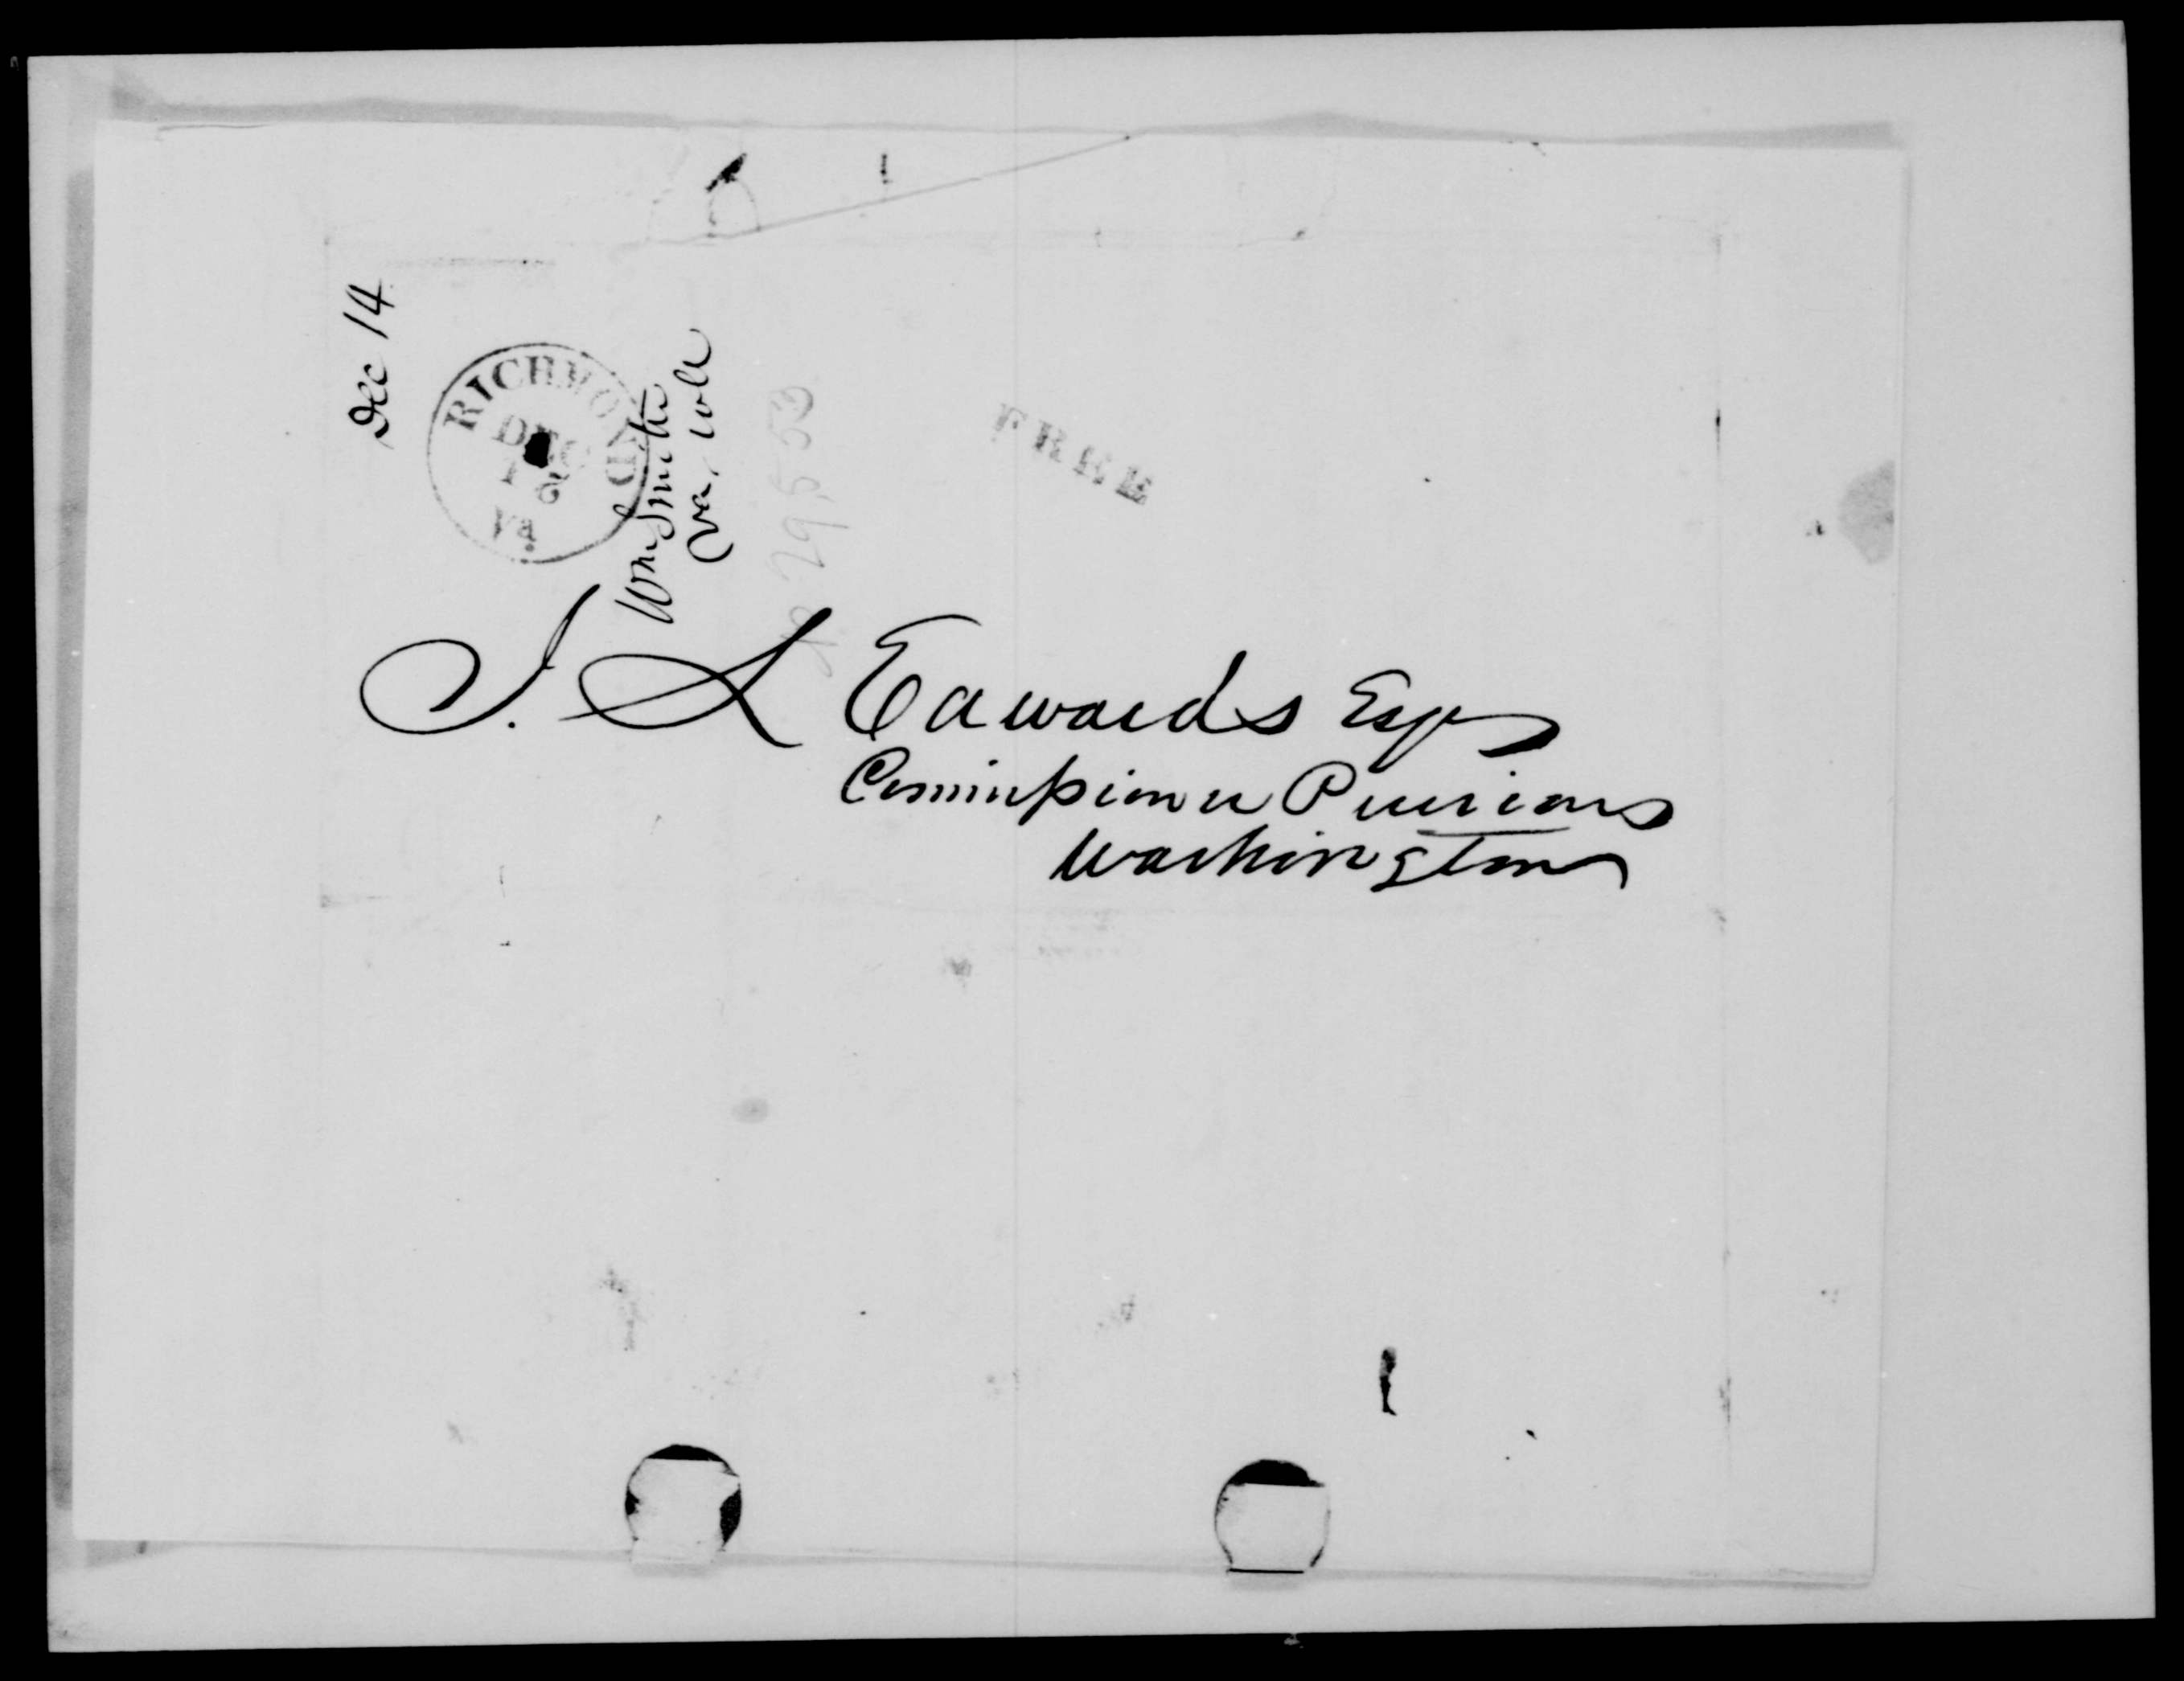J. L Edwards Esq
Commissioner of Pensions
Washington

Dec 14
Wm Smith
Va. roll
F. 29,553

[stamp 1]
FREE

[stamp 2]
RICHMOND
DEC
12
Va.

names: J L Edwards; Wm Smith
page: 19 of 22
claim: widow's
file: W. 4,806, for William Smith, Virginia